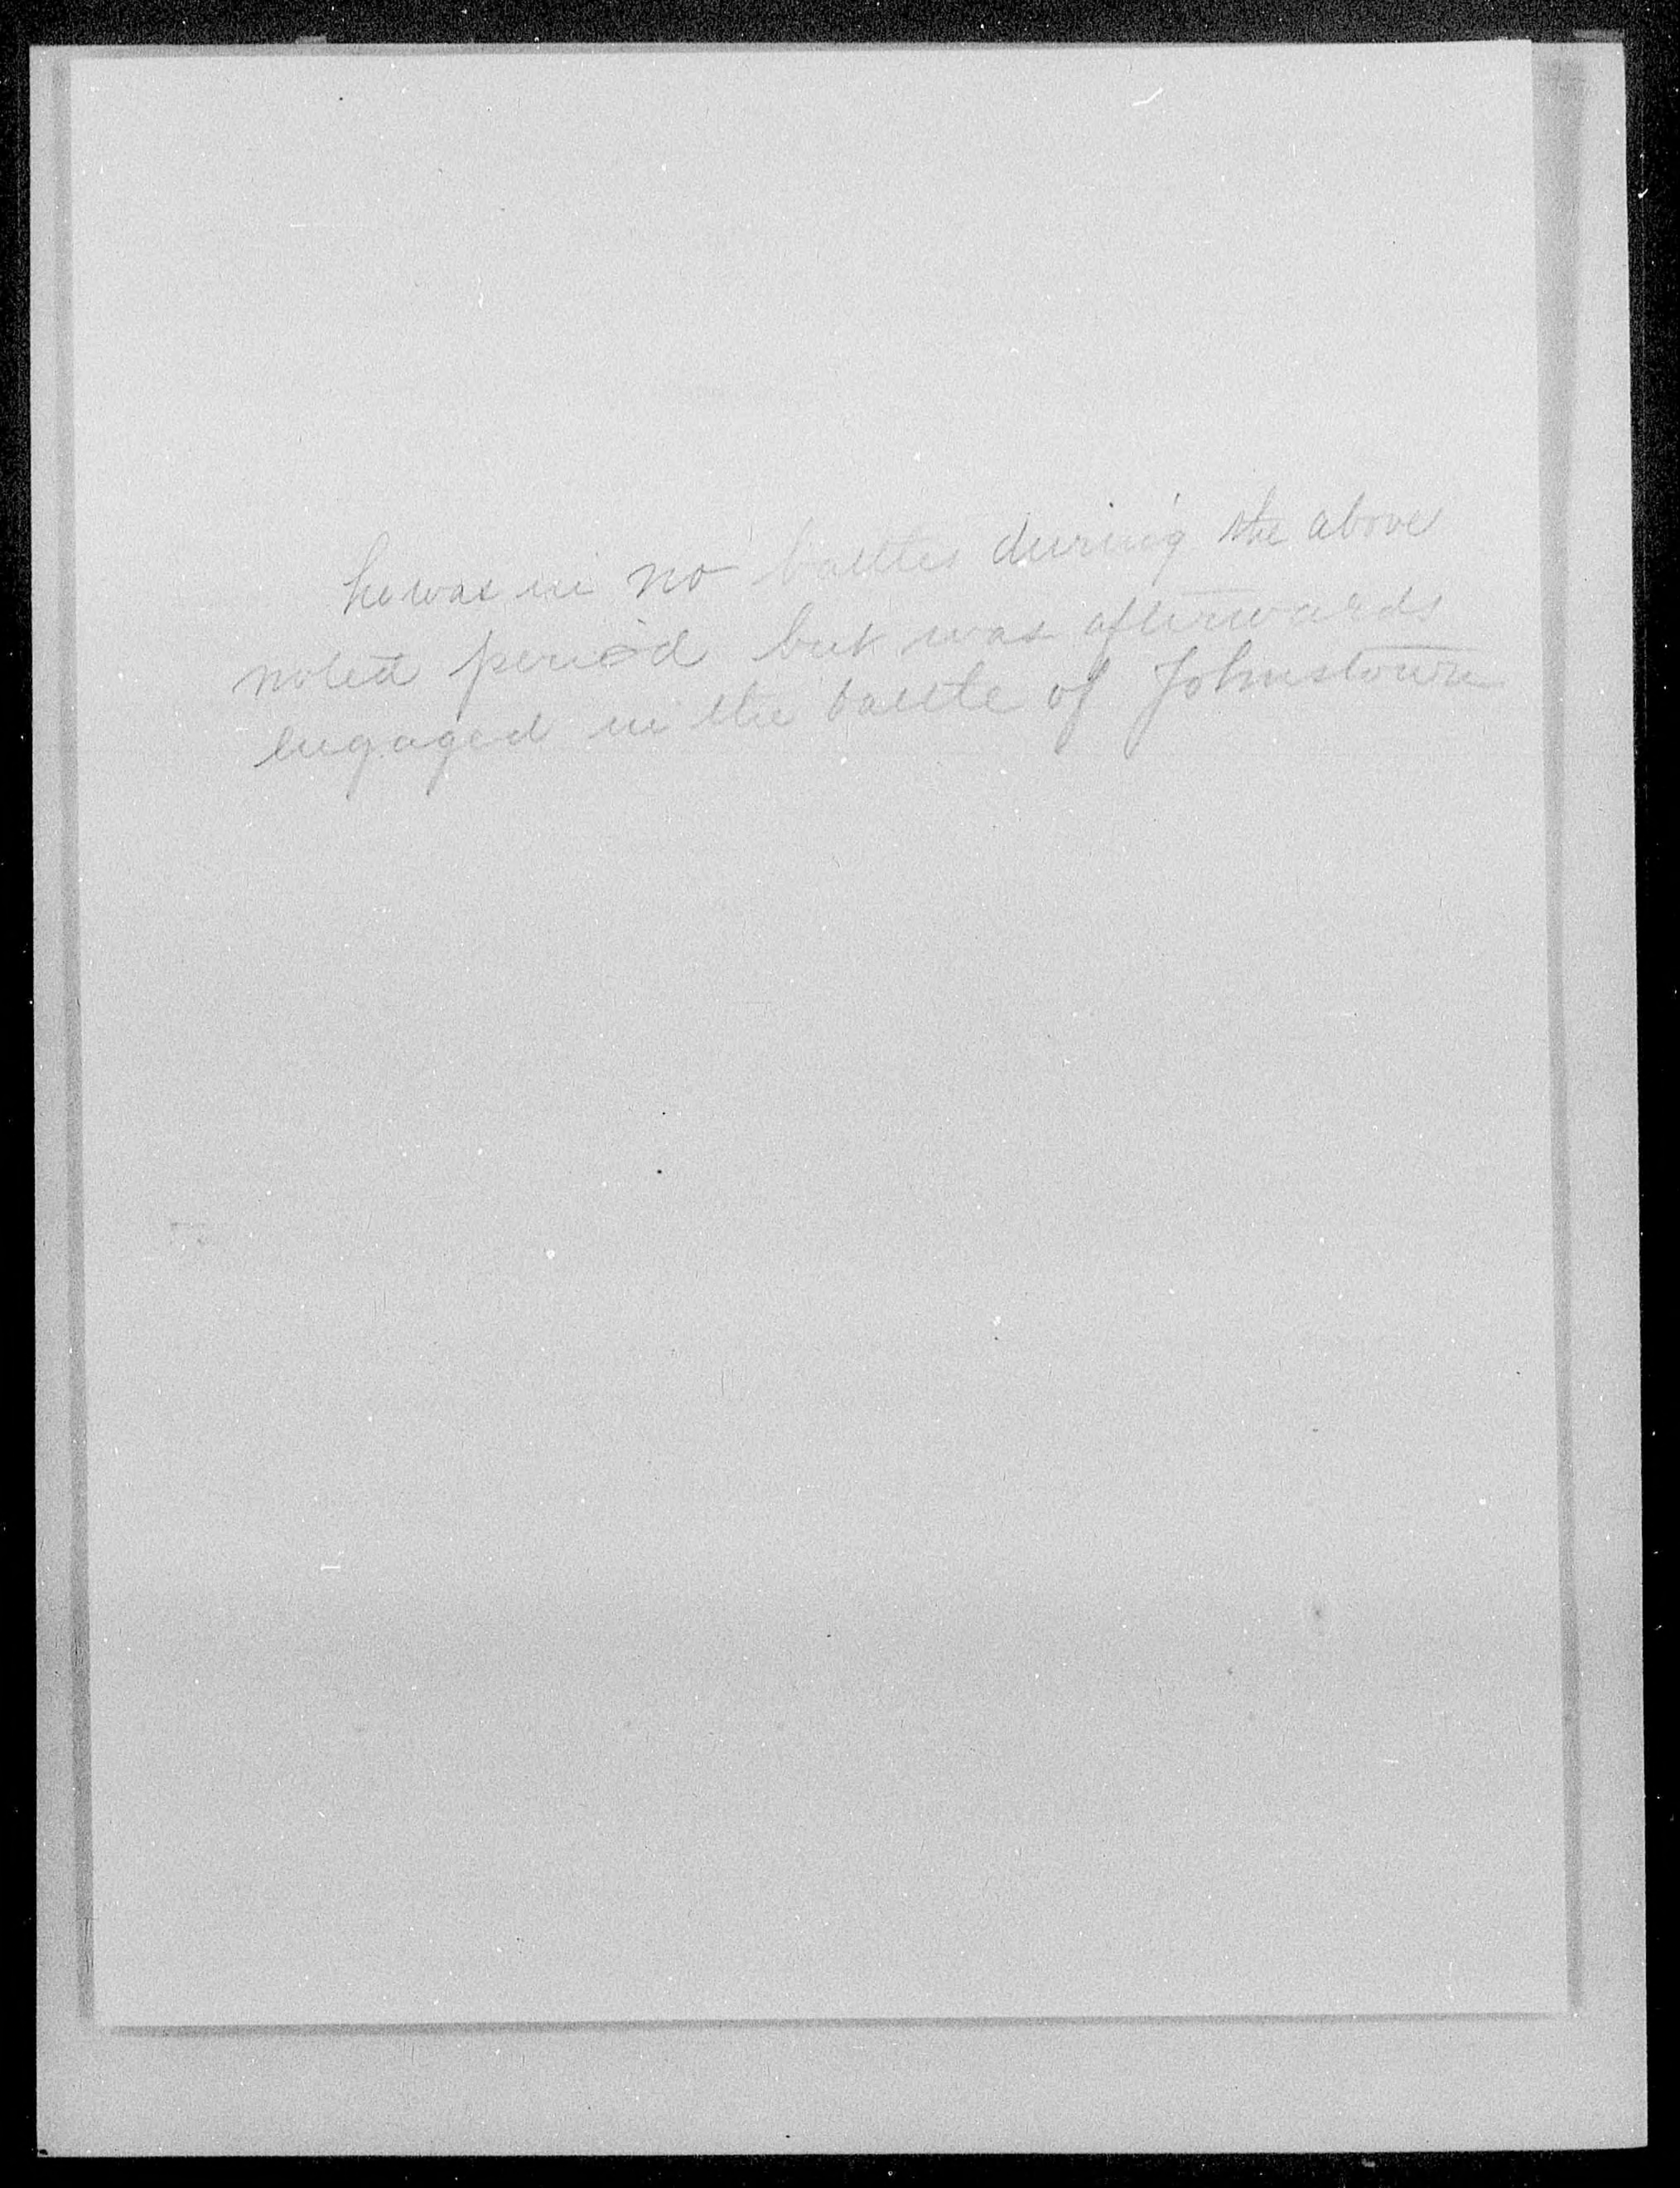he was in no battles during the above noted period but was afterwards engaged in the battle of Johnstown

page: 40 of 40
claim: widow's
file: W. 21876, for Christian Osterman, New York